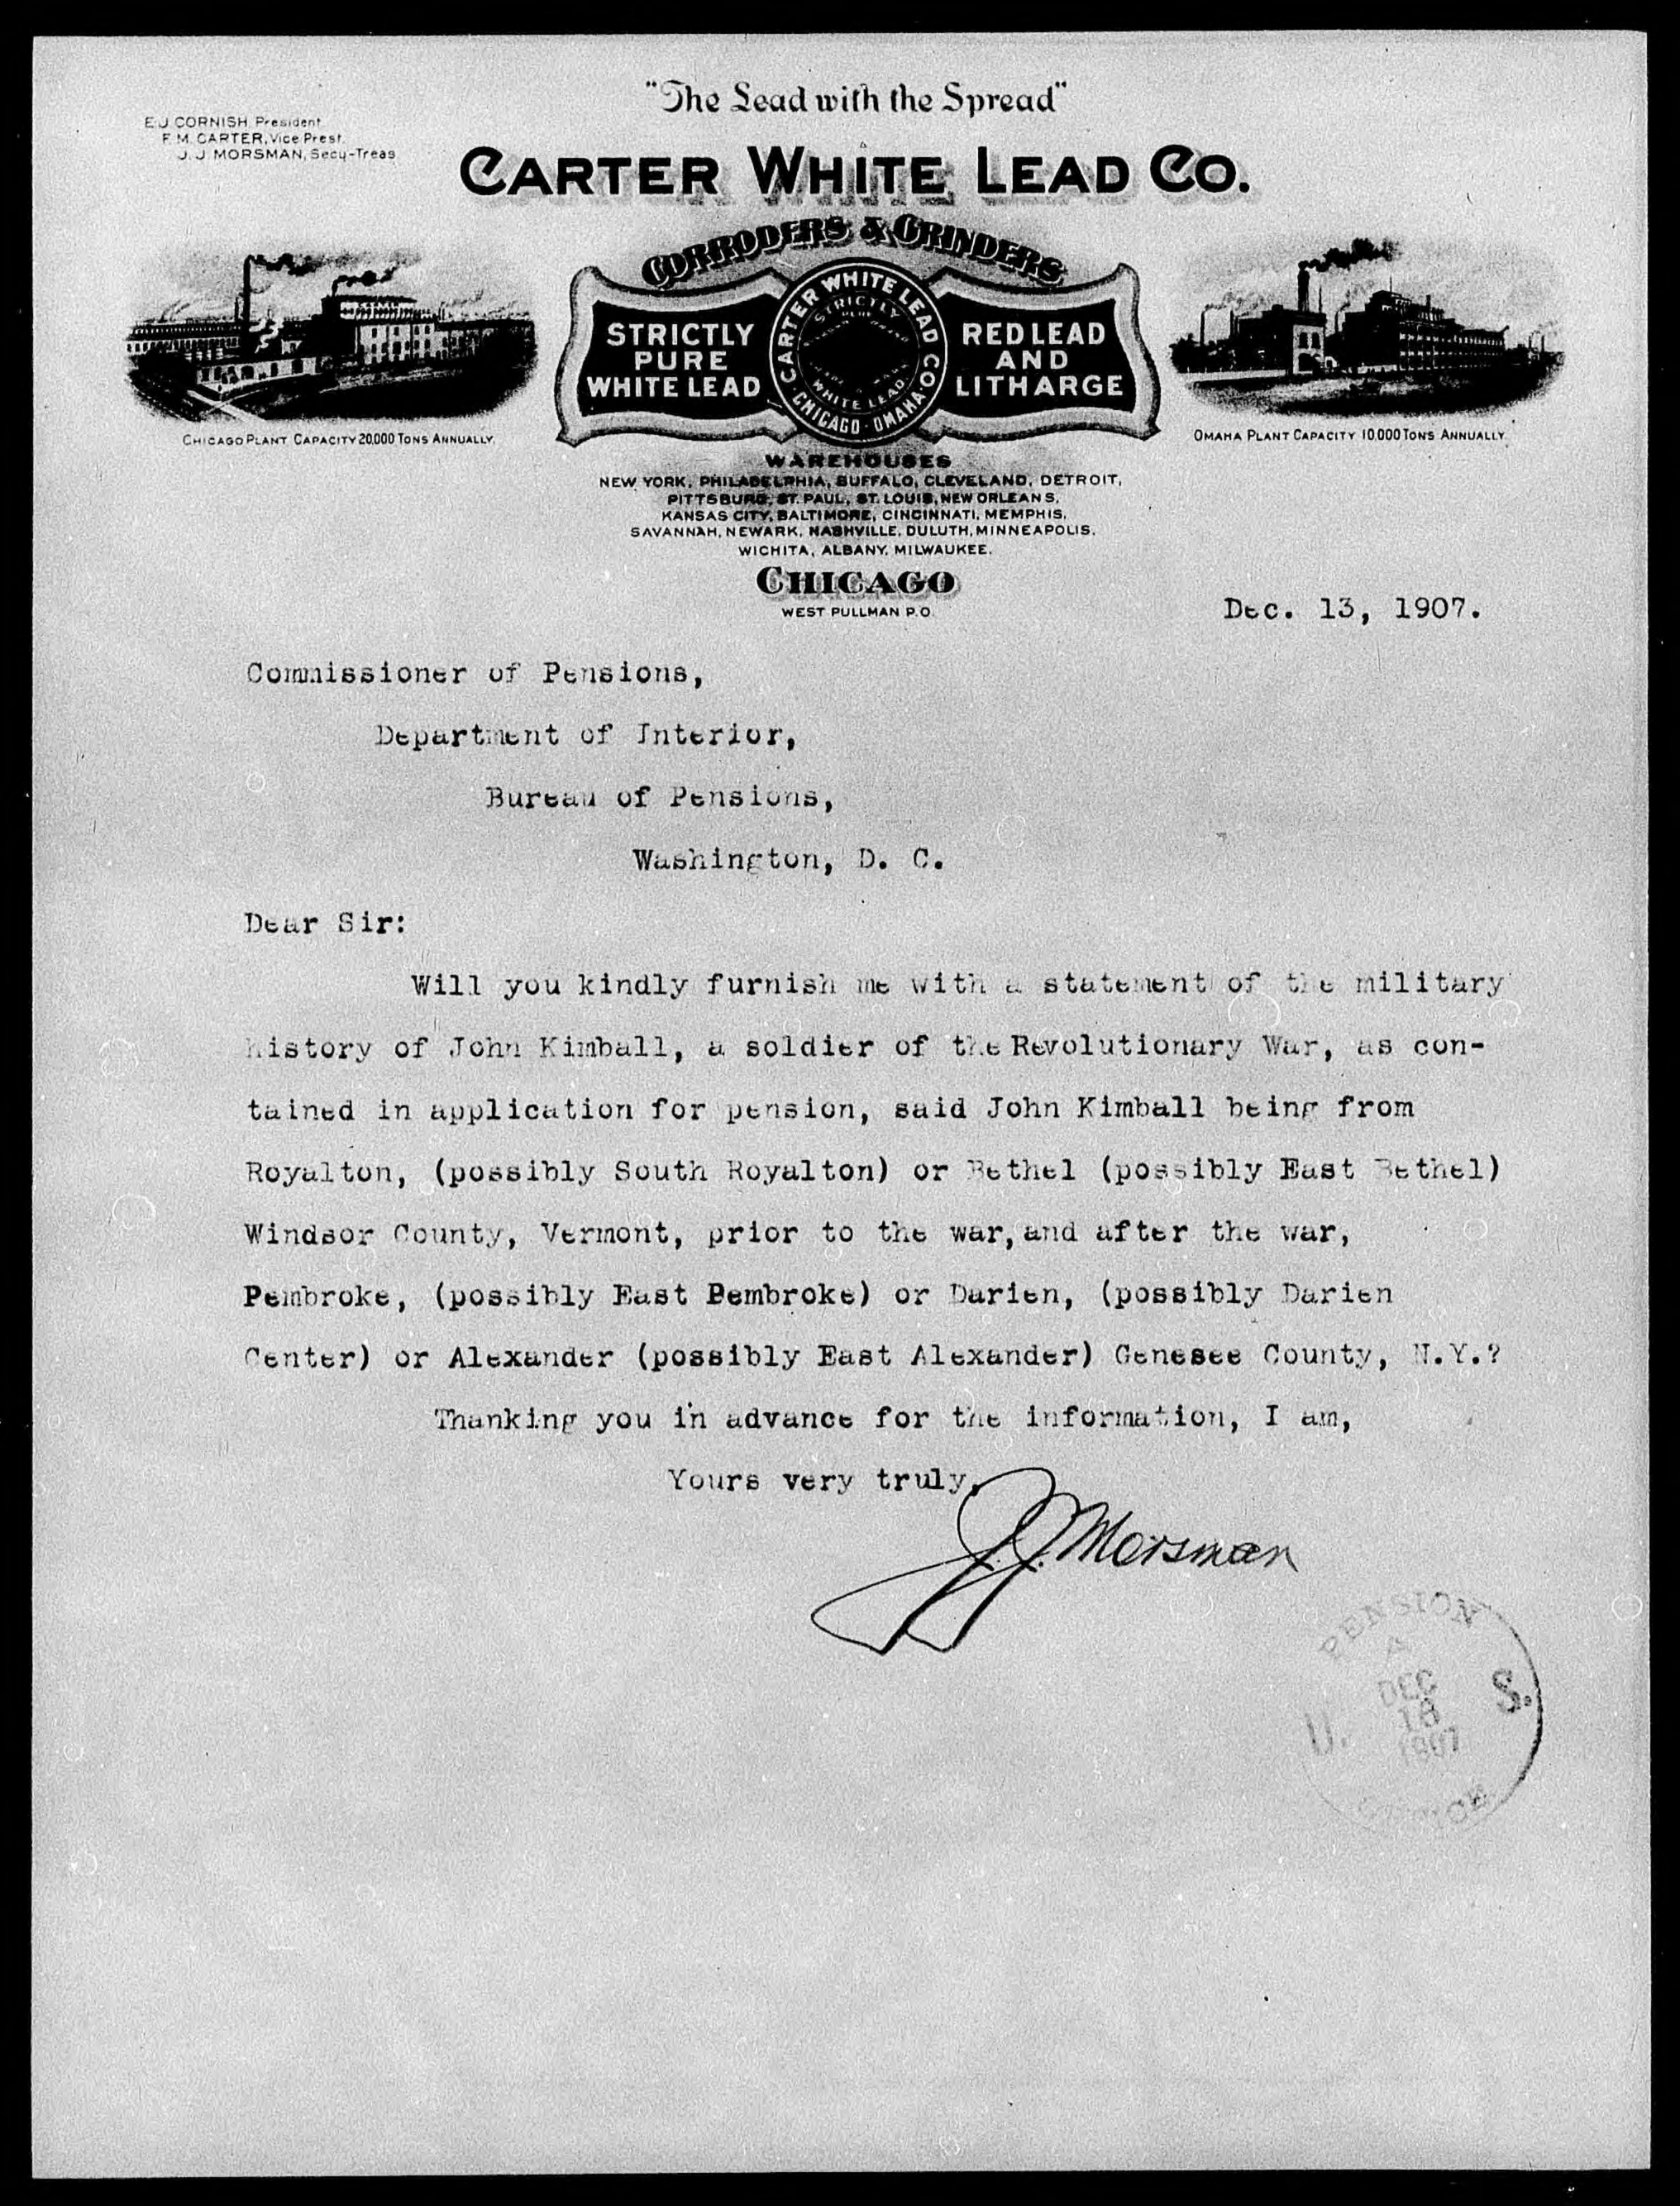"The Lead with the Spread"
Carter White Lead Co.
Corroders & Grinders Strictly Pure White Lead
Red Lead and Litharge
Carter White Lead Co Chicago Omaha

E. J. Cornish President
F. M. Carter, Vice Prest.
J. J. Morsman, Secy-Treas

Chicago Plant Capacity 20,000 Tons Annually [drawing of plant]

Omaha Plant Capacity 10,000 Tons Annually [drawing of plant]

Warehouses
New York, Philadelphia, Buffalo, Cleveland, Detroit, Pittsburg, St. Paul, St. Louis, New Orleans, Kansas City, Baltimore, Cincinnati, Memphis, Savannah, Newark, Nashville, Duluth, Minneapolis, Wichita, Albany, Milwaukee.
Chicago
West Pullman P.O.

Dec. 13, 1907.
Commissioner of Pensions,
Department of Interior,
Bureau of Pensions,
Washington, D. C.

Dear Sir:

Will you kindly furnish me with a statement of the military history of John Kimball, a soldier of the Revolutionary War, as contained in application for pension, said John Kimball being from Royalton, (possibly South Royalton) or Bethel (Possibly East Bethel) Windsor County, Vermont, prior to the war, and after the war, Pembroke, (possibly East Pembroke) or Darien, (possibly Darien Center) or Alexander (possibly East Alexander) Genesee County, N. Y.?
Thanking you in advance for the information, I am
Yours very truly,
J. J. Morsman

[circle stamp] U.S. Pension Office A Dec 18 1907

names: F M Carter; J J Morsman; John Kimball; E J Cornish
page: 24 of 36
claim: survivor's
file: S. 42,792, for John Kimball, Connecticut